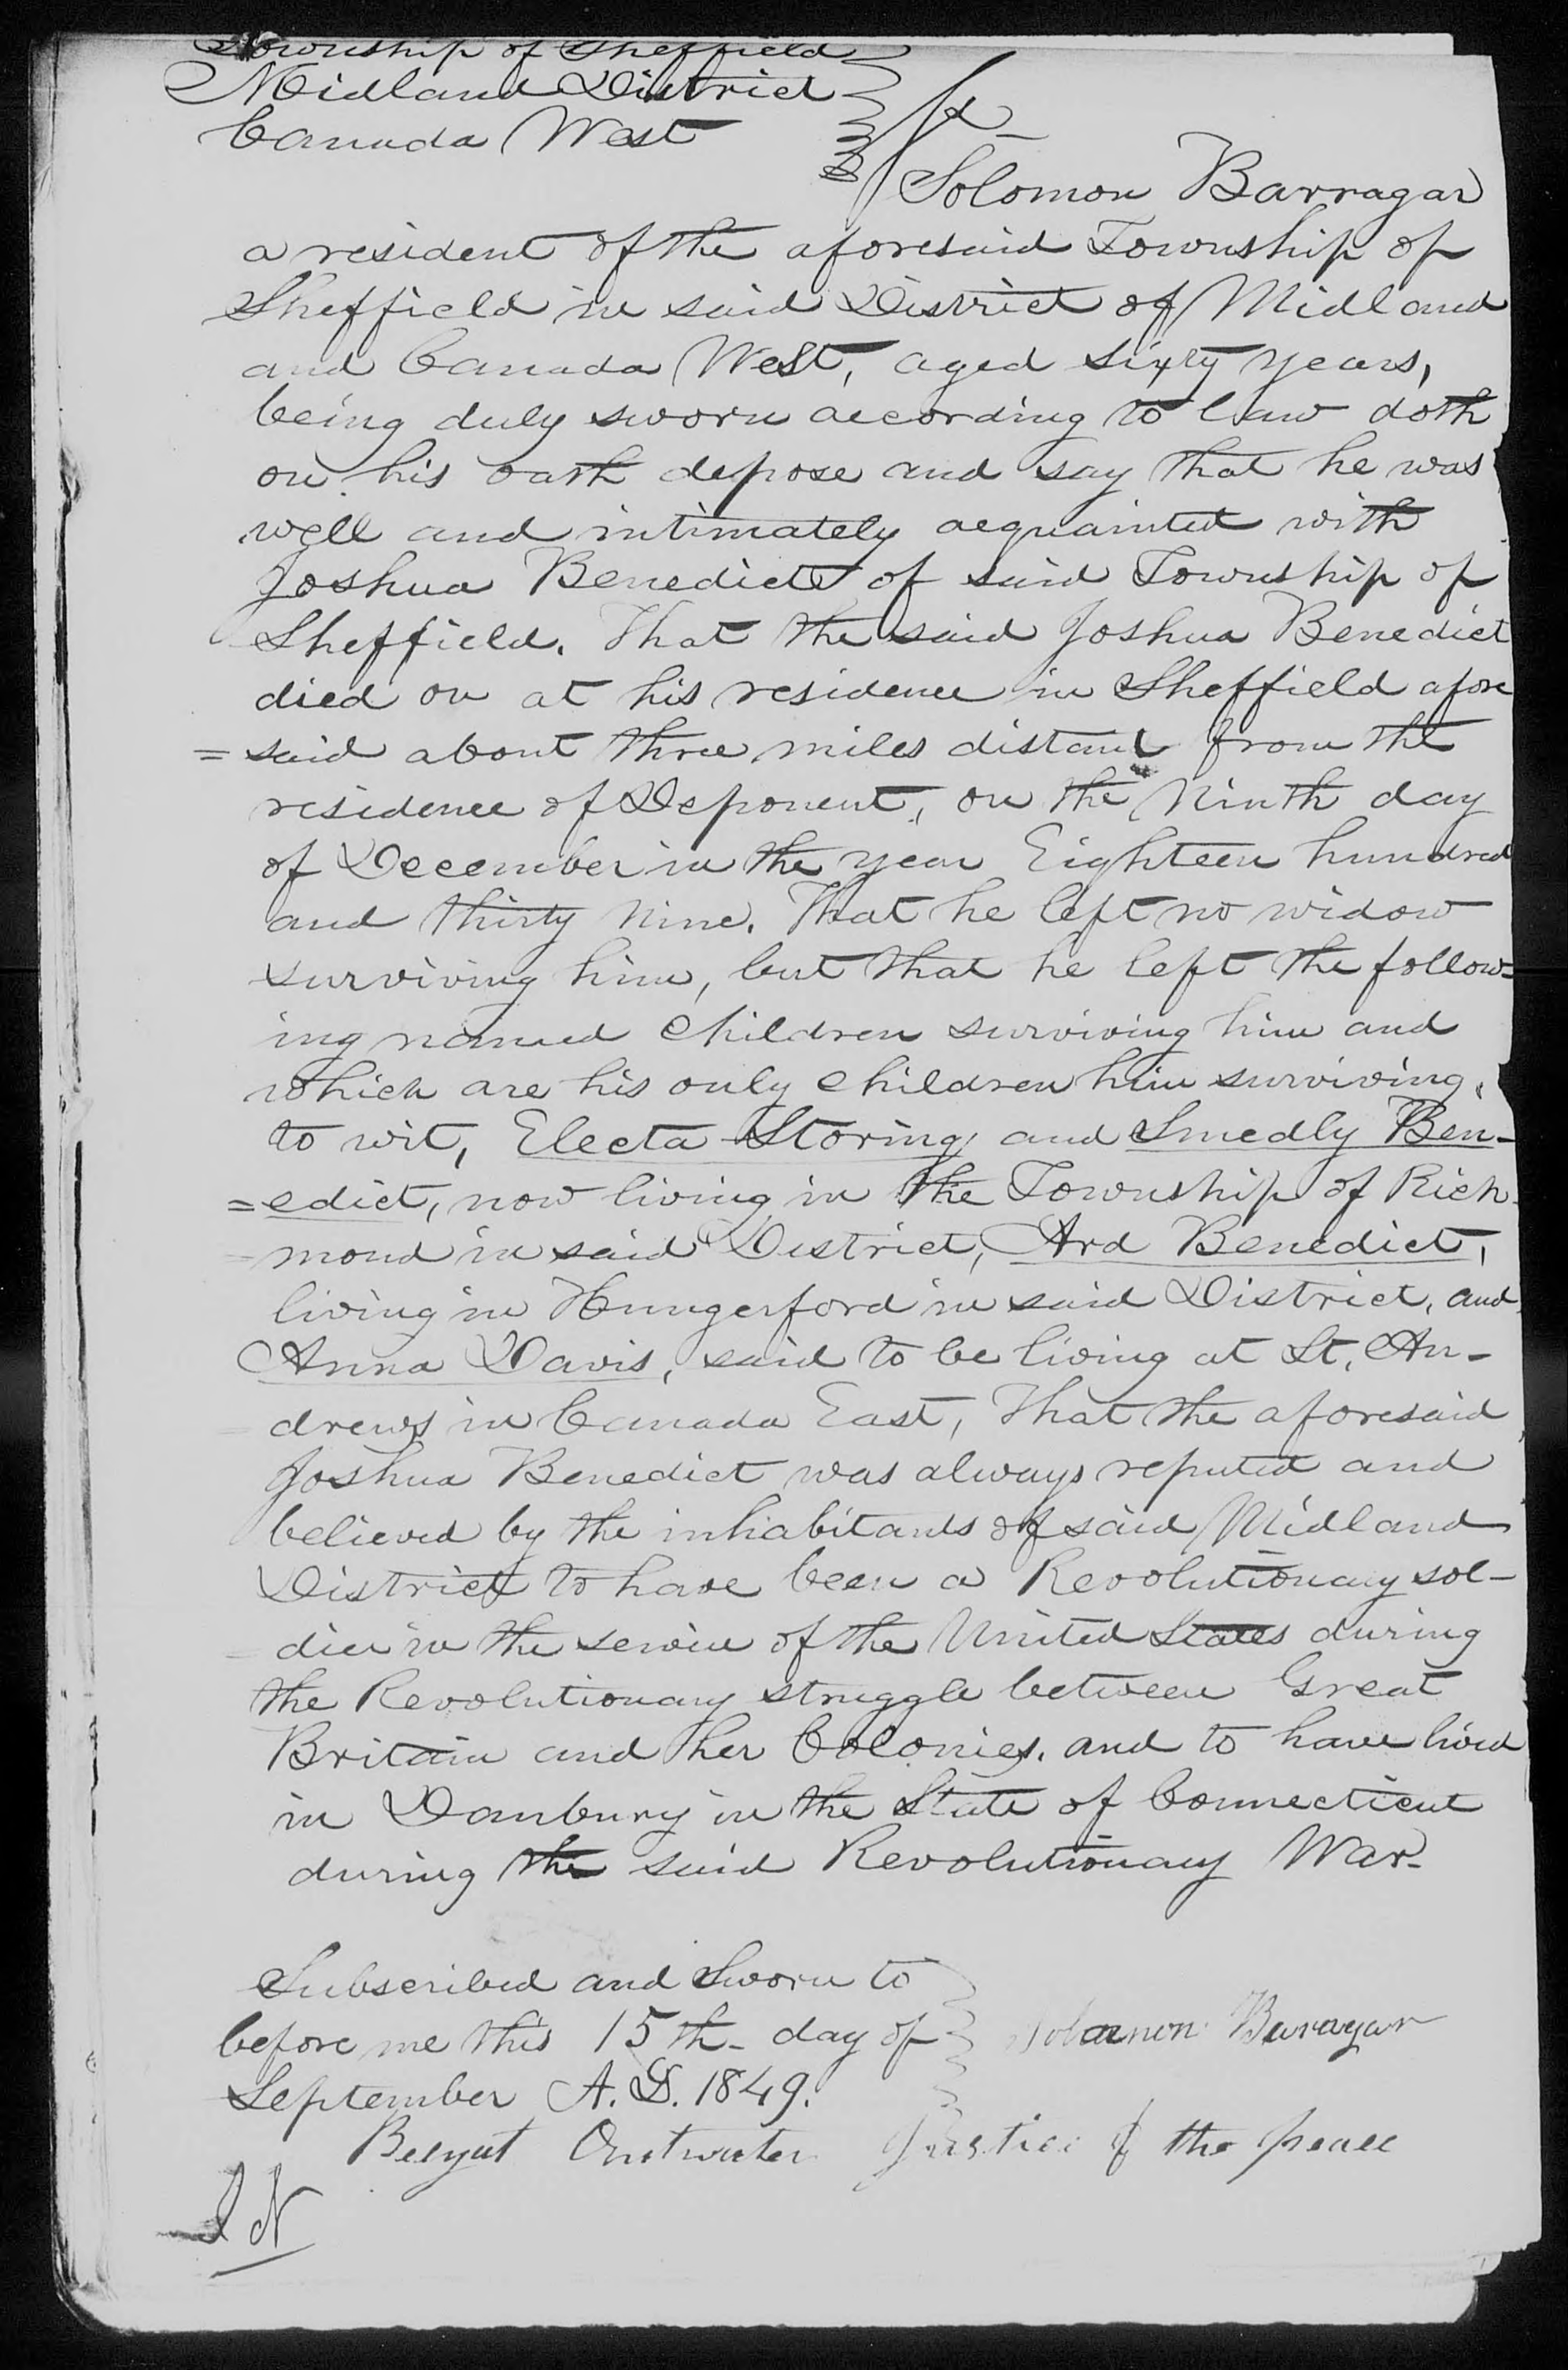Township of Sheffield
Midland District
Canada West } Ss-
Solomon Barragar a resident of the aforesaid Township of Sheffield in said District of Midland and Canada West, aged sixty years, being duly sworn according to law doth on his oath depose and say that he was well and intimately acquainted with Joshua Benedict of said Township of Sheffield. That the said Joshua Benedict died on at his residence in Sheffield aforesaid about three miles distant from the residence of Deponent, on the Ninth day of December in the year Eighteen hundred and thirty nine. That he left no widow surviving him, but that he left the following named children surviving him and which are his only children him surviving, to wit, Electa Storing and Smedly Benedict, now living in the Township of Richmond in said District, Ard Benedict, living in Hungerford in said District, and Anna Davis, said to be living at St. Andrews in Canada East, That the aforesaid Joshua Benedict was always reputed and believed by the inhabitants of said Midland District to have been a Revolutionary soldier in the service of the United States during the Revolutionary struggle between Great Britain and her Colonies, and to have lived in Danbury in the State of Connecticut during the said Revolutionary War.
Solomon Baragar

Subscribed and Sworn to before me this 15th day of September A.D. 1849.
Belyat Outwater Justice of the peace
[illegible]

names: Smedley Benedict, Solomon Baragar, Belyat Outwater, Ard Benedict, Solomon Barragar, Joshua Benedict, Joshua Benedict, Anna Davis, Joshua Benedict, Electa Storing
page: 49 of 106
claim: survivor's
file: S 23,116., Joshua Benedict, Conn.